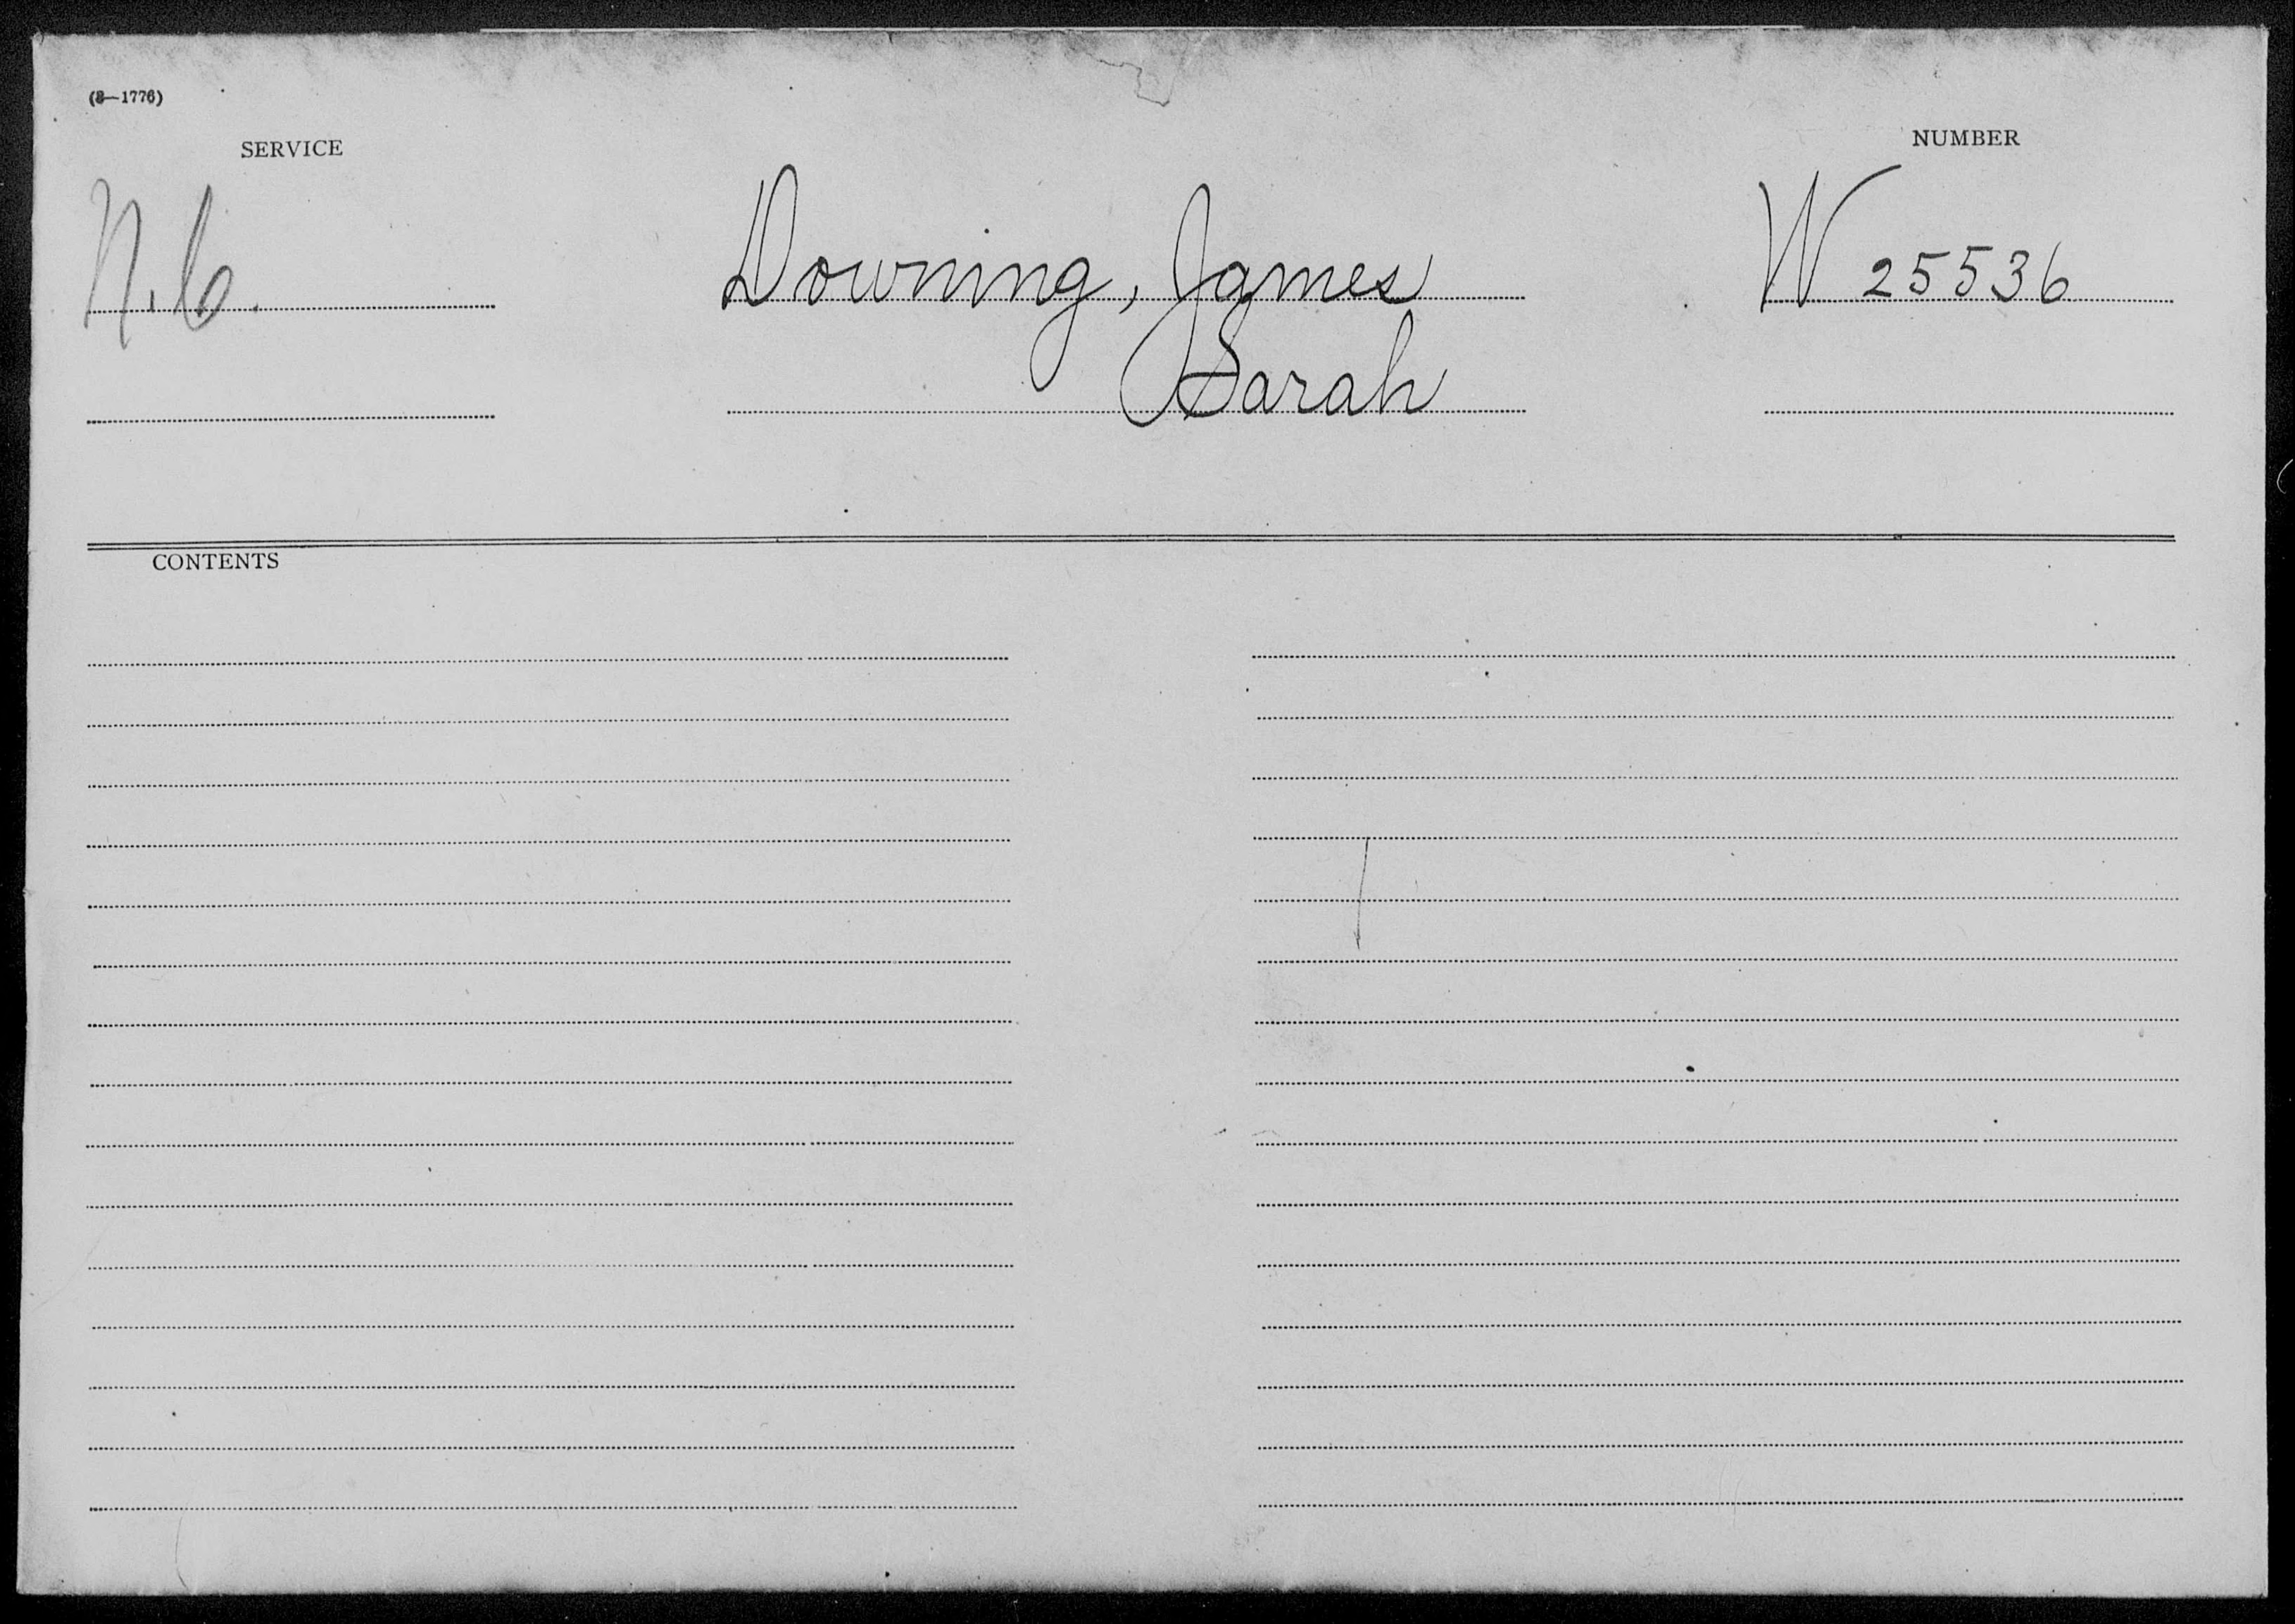(8-1776)
SERVICE                                 NUMBER
N.C.     Downing, James.      W25536
                               Sarah

_________________________________________
CONTENTS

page: 1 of 43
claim: widow's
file: W. 25536, James Downing, N.C.